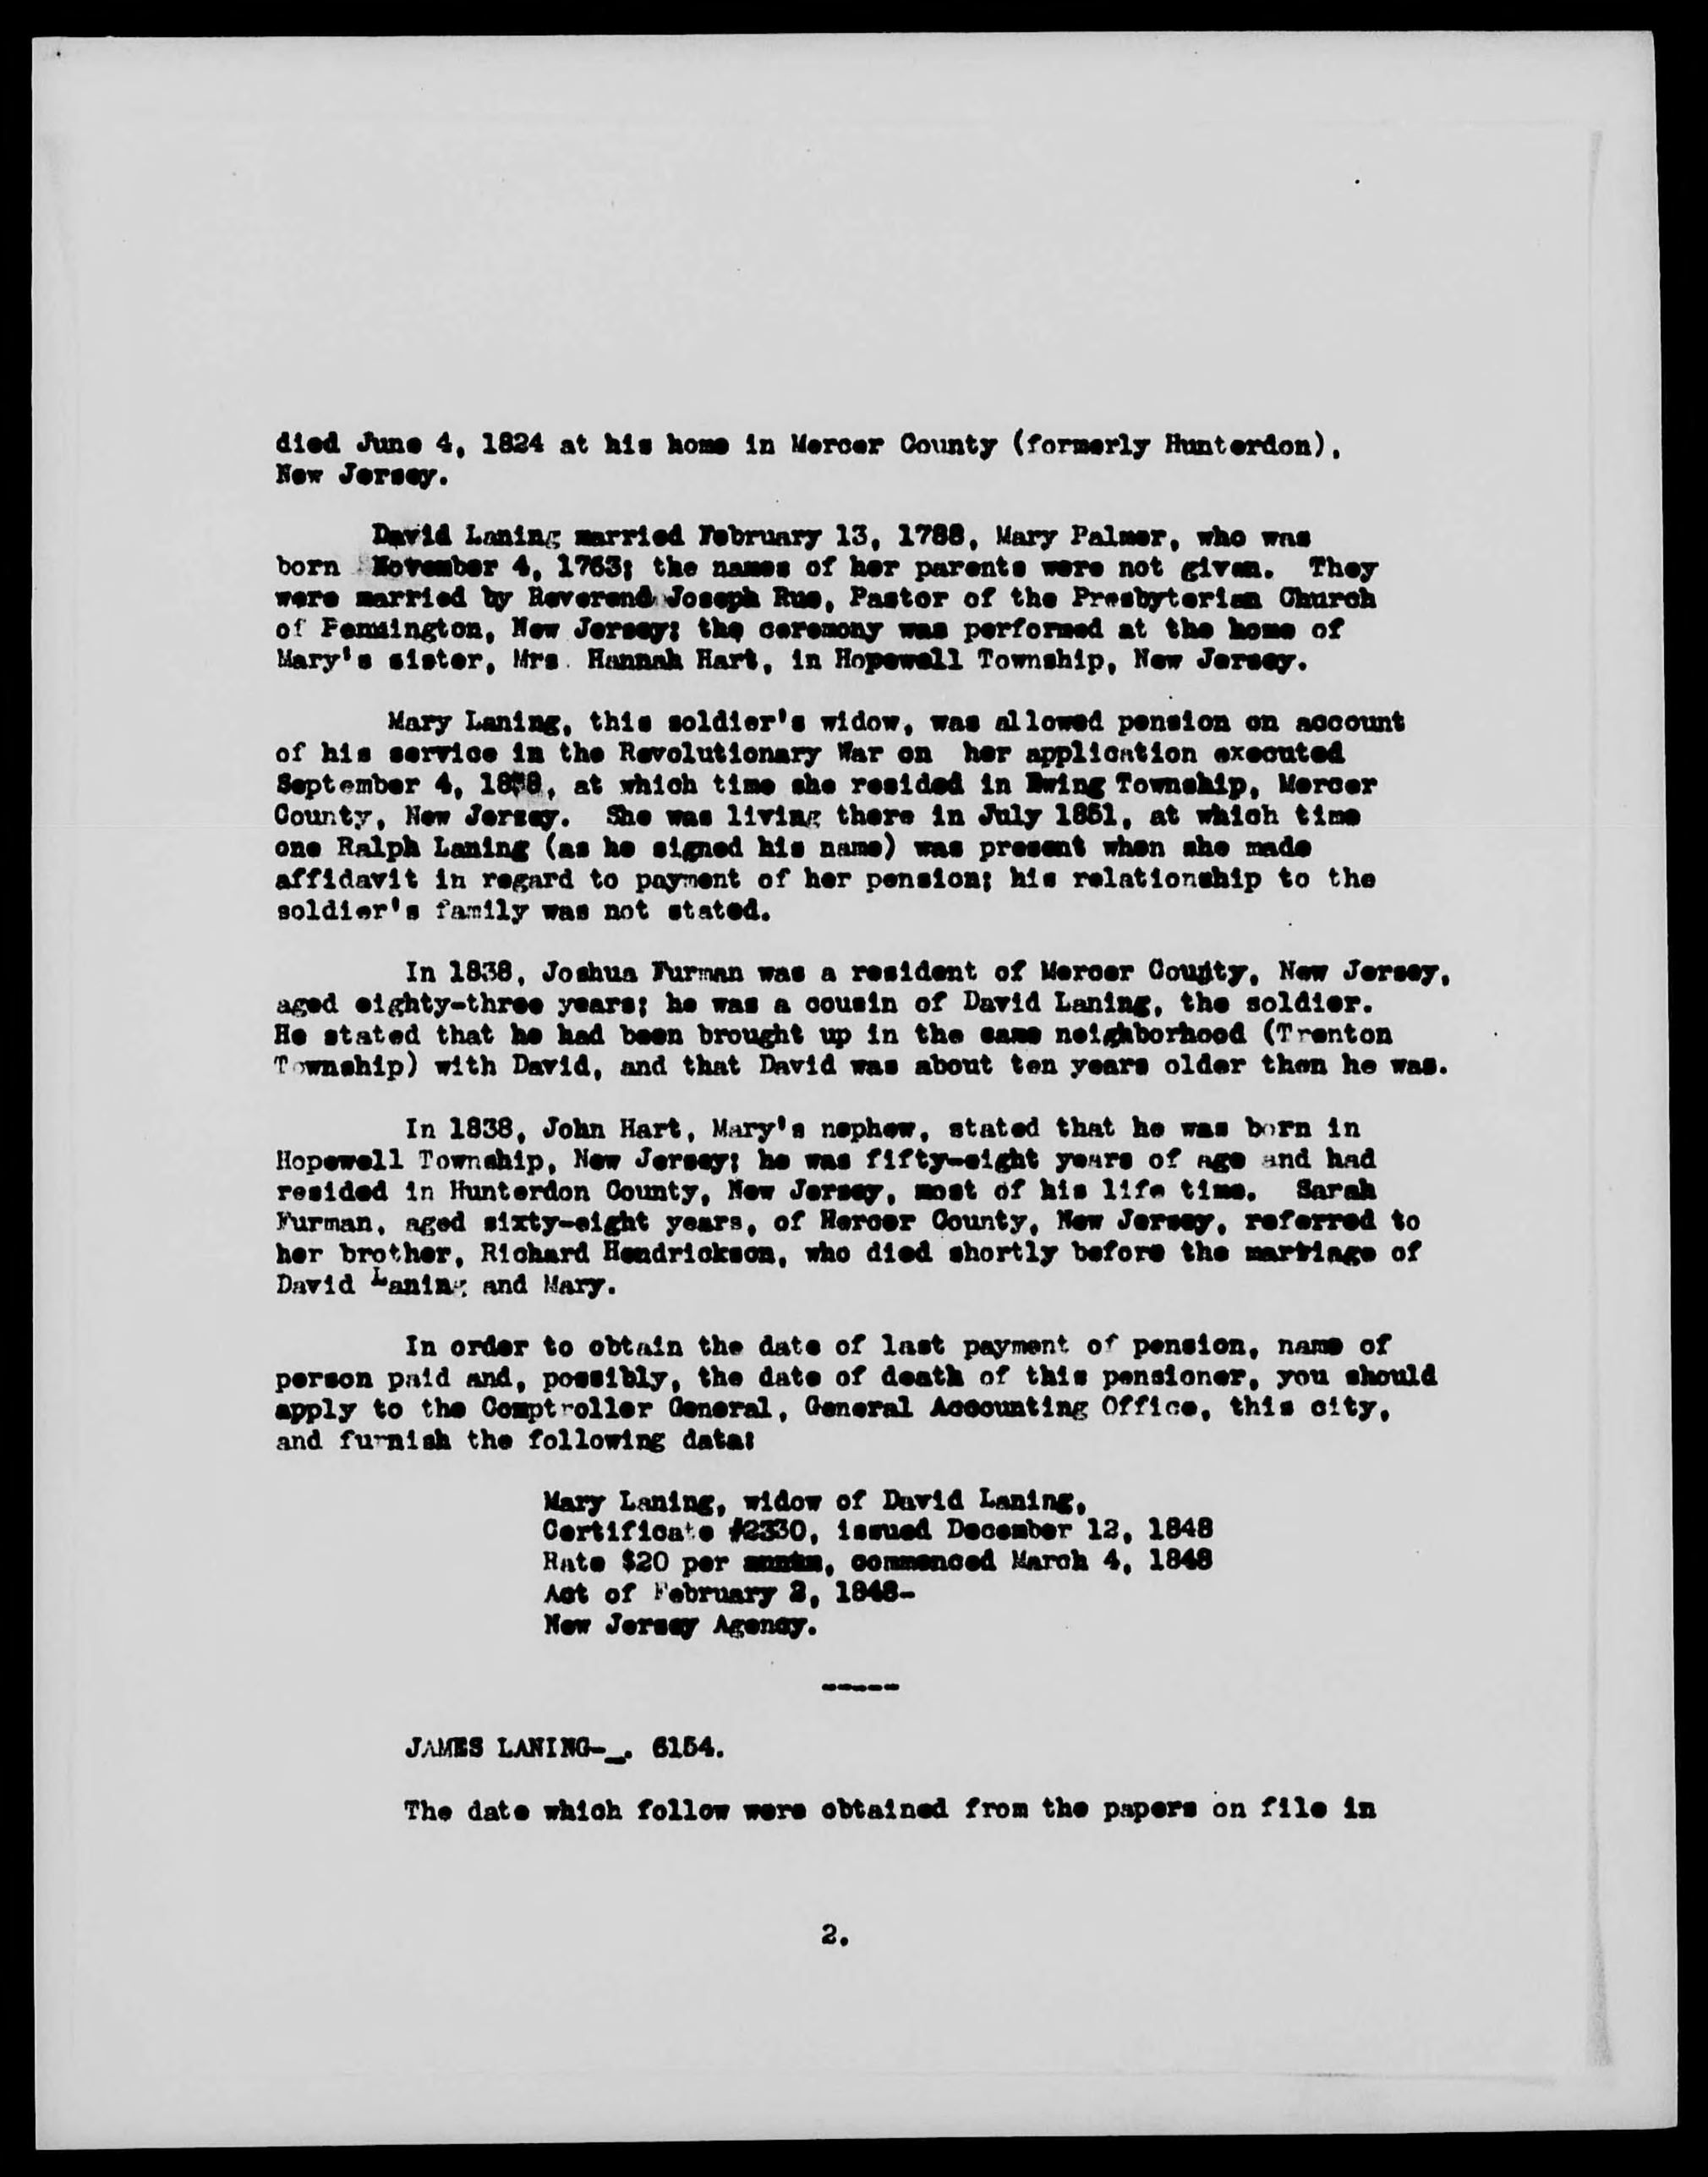died June 4, 1824 at his home in Mercer County (formerly Hunterdon), New Jersey.

David Laning married February 13, 1788, Mary Palmer, who was born November 4, 1763, the names of her parents were not given. They
were married by Reverend Joseph Rue, Pastor of the Presbyterian Church of Pennington, New Jersey: the ceremony was performed at the home of Mary's sister, Mrs. Hannah Hart in Hopewell Township, New Jersey.

Mary Lanning, this soldier's widow, was allowed pension on account of his service in the Revolutionary War on her application executed September 4, 1838, at which time she resided in Ewing Township, Mercer County, New Jersey. She was living there in July 1851, at which time one Ralph Laning (as he signed his name) was present when she made
affidavit in regard to payment of her pension; his relationship to the soldier's family was not stated.

In 1838, Joshua Furman was a resident of Mercer County, New Jersey, aged eighty-three years; he was a cousin of David Laning, the soldier. He stated that he had been brought up in the same neighborhoor (Trenton Township) with David, and that David was about ten years older then he was.

In 1838, John Hart, Mary's nephew, stated that he was born in Hopewell Township, New Jersey; he was fifty-eight years of age and had
resided in Hunterdon County, New Jersey, most of his life time, Sarah Furman, aged sixty-eight years, of Mercer County, New Jersey, referred to her brother, Richard Hendrickson, who died shortly before the marriage of
David Laning and Mary.

In order to obtain the date of last payment of pension, name of person paid and, possibly, the date of death of this pensioner, you should
apply to the Comptroller General, General Accounting Office, this city, and furnish the following data:

Mary Laning, widow of David Laning,
Certificate #2330, issued December 12, 1848
Rate $20 per annum, commenced March 4, 1848
Act of February 2, 1848-
New Jersey Agency.

JAMES LANING-6154.

The data which follow were obtained from the papers on file in

2.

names: Hannah Hart; Sarah Furman; James Laning; Ralph Laning; John Hart; Joseph Rue; Richard Hendrickson; Mary Palmer; Joshua Furman; David Laning; Mary Laning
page: 11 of 39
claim: rejected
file: R. 6154, for James Laning, New Jersey